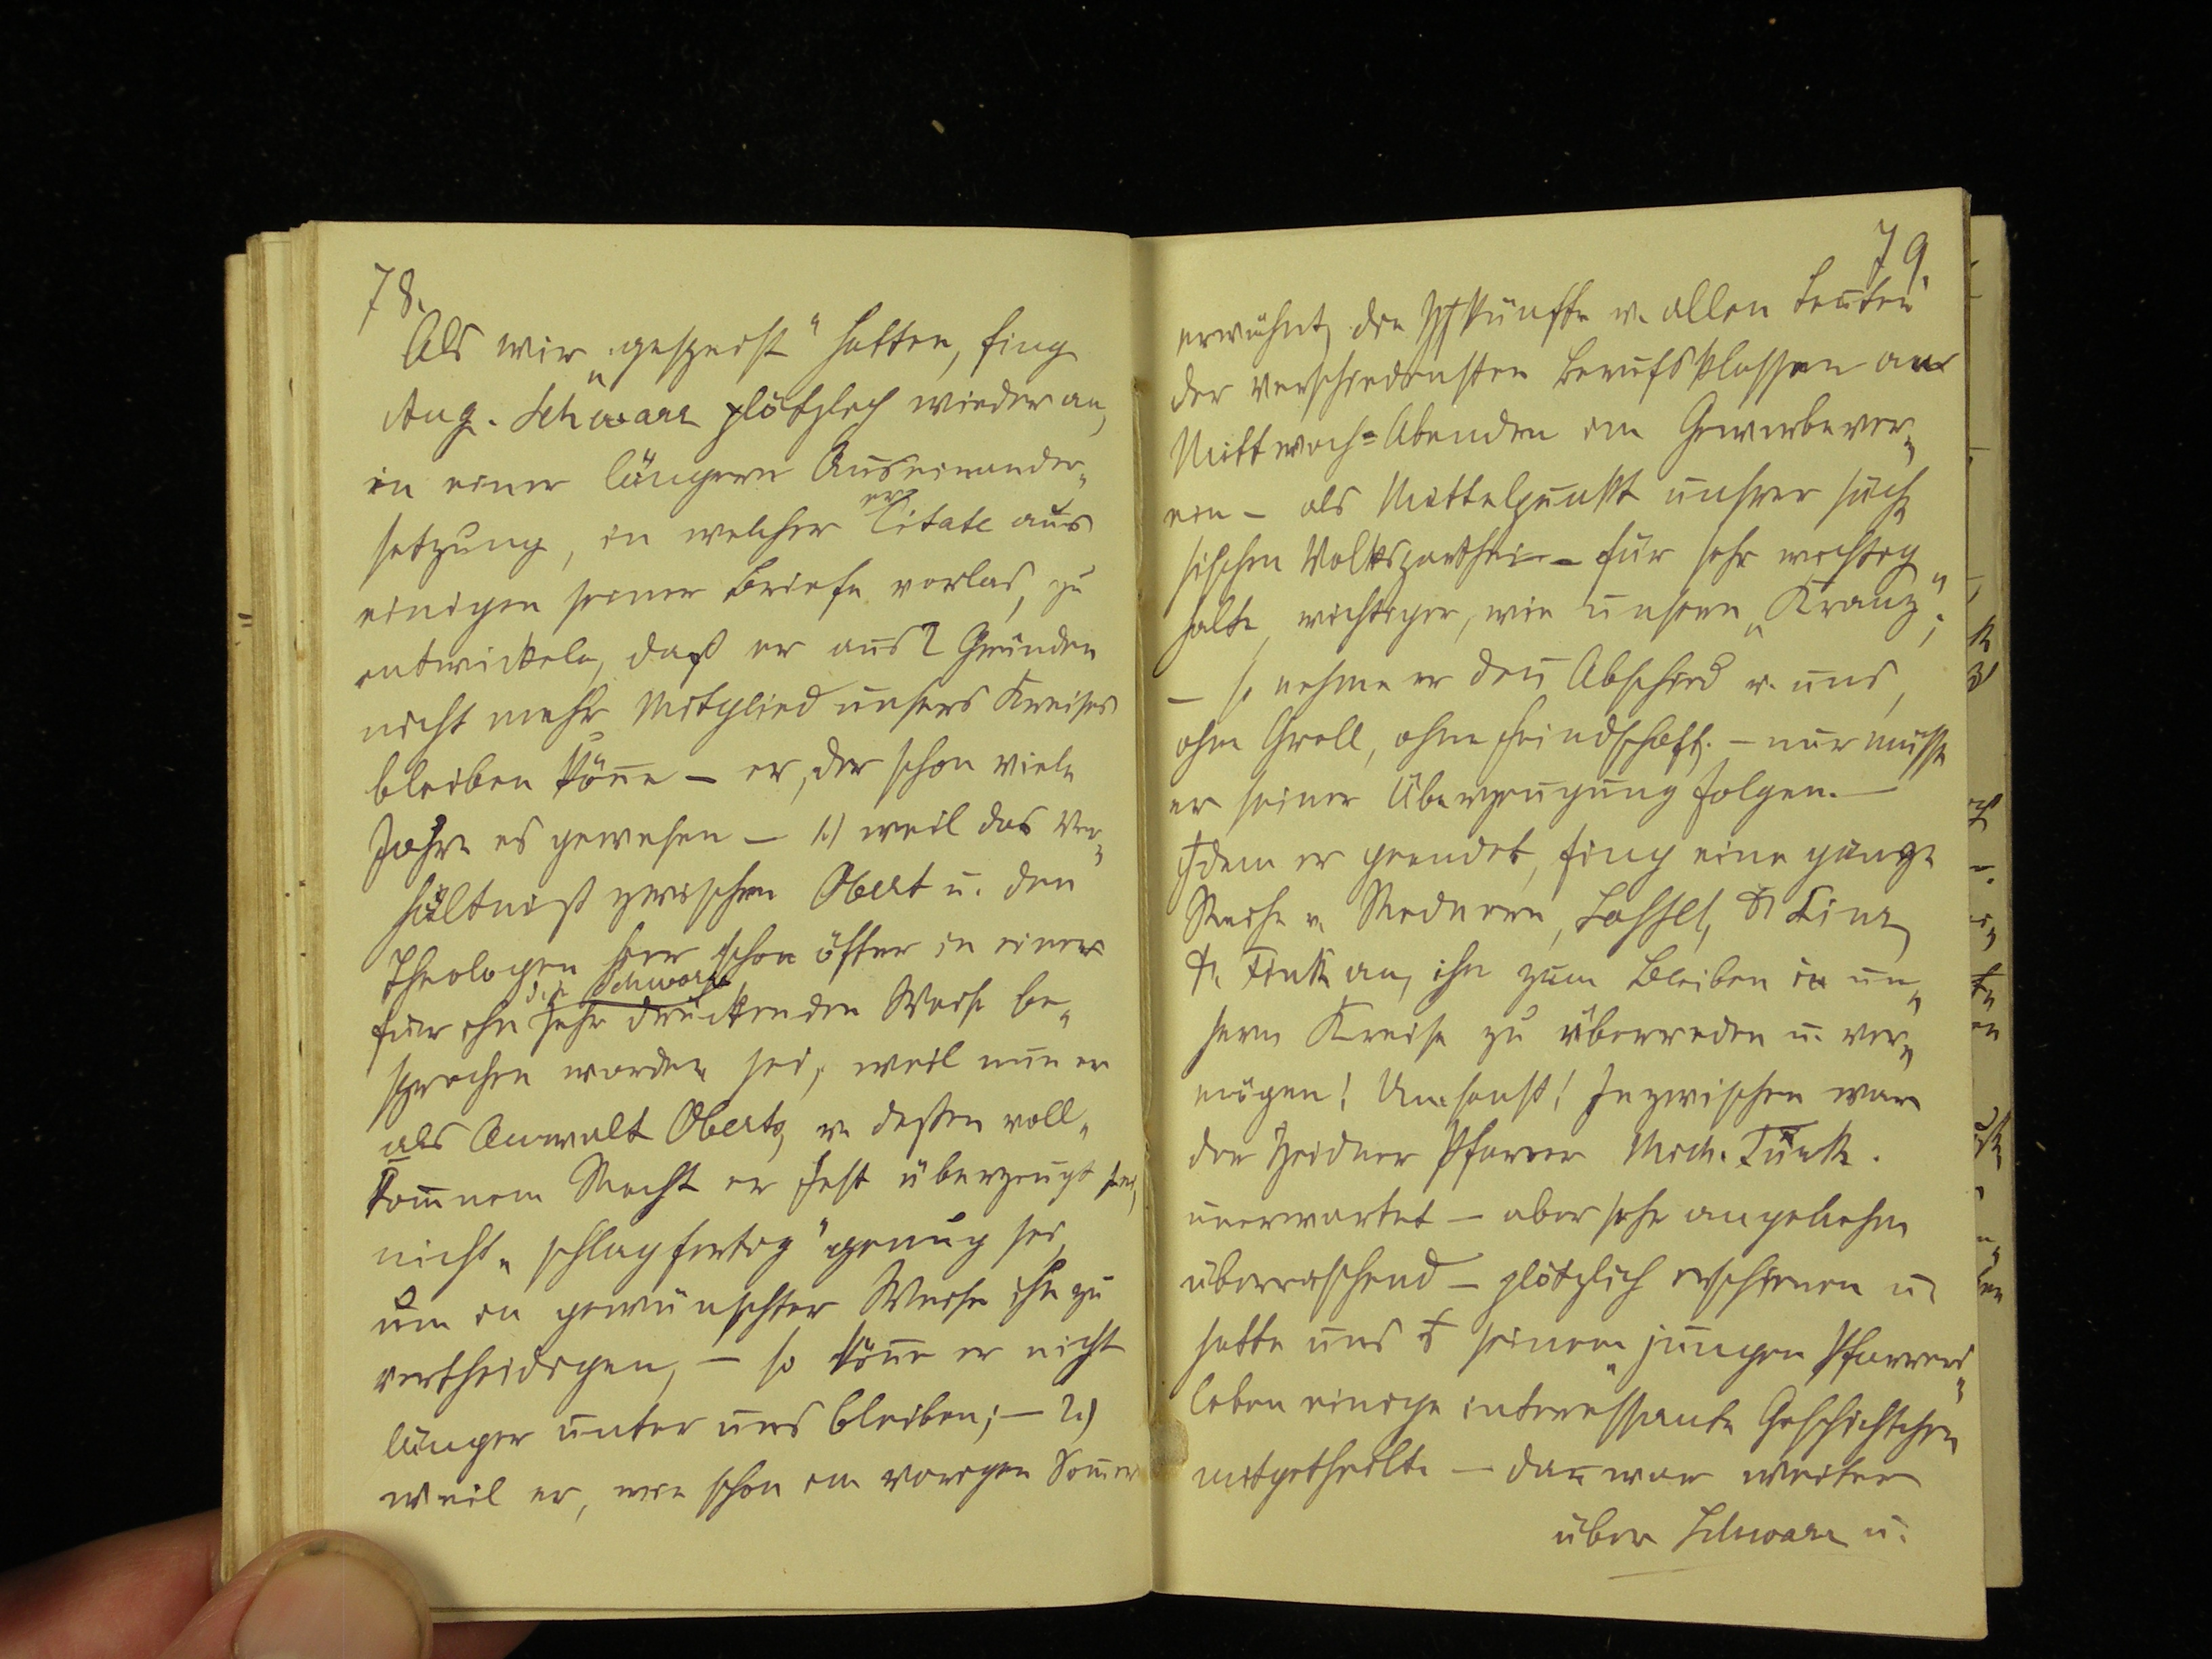78
Als wir „ gespeist“ hatten, fing
Aug. Schwarz plötzlich wieder an,
in einer längeren Auseinander¬
setzung, in welcher er Citate aus
einigen seiner Briefe vorlas, zu
entwickeln, daß er aus 2 Gründen
nicht mehr Mitglied unseres Kreises
bleiben könne. -er, der schon viele
Jahre es gewesen-. Weil das Ver¬
hältnis zwischen Obert und den
Theologen hier schon öfter in einer
( Schwarz)
für ihn -sehr drückenden Weise be¬
sprochen worden sei, weil nun er
als Anwalt Obert‘s, von dessen voll¬
kommenen Recht er fest überzeugt sei,
nicht „ schlagferig“ genug sei,
um in gewünschter Weise ihn zu
rechtfertiegn- so könne er nicht
länger unter uns bleiben; 2)
weil er, wie schon im vorigen Sommer
79
erwähnt, die Zusammenkünfte vor allen Leuten
der verschiedensten Berufsklassen am
Mittwoch –Abenden im Gewerbever¬
ein -als Mittelpunkt unserer säch¬
sischen Volkspartheien-für sehr wichtig
halte, wichtiger wie unsrer „Kranz“
- so nehme er Abschied von uns
ohne Groll, ohne Feindschaft.-nur müsse
er seiner Überzeugung folgen.-
Nachdem er geendet, fing eine ganze
Reihe von Rednern, Lassel, Dr. Linz,
Dr. Fink an , ihn zum Bleiben in un¬
serem Kreis zu überreden und ?ver¬
mögen..! Umsonst ! Inzwischen war
der Zeidner Pfarrer Mich. Türk
unerwartet –aber sehr angenehm
überraschend –plötzlich erschienen und
hatte uns aus seinen jungen Pfarrer¬
leben einige interessante Geschichten
mitgebracht.- dann war weiter
über Schwarz und